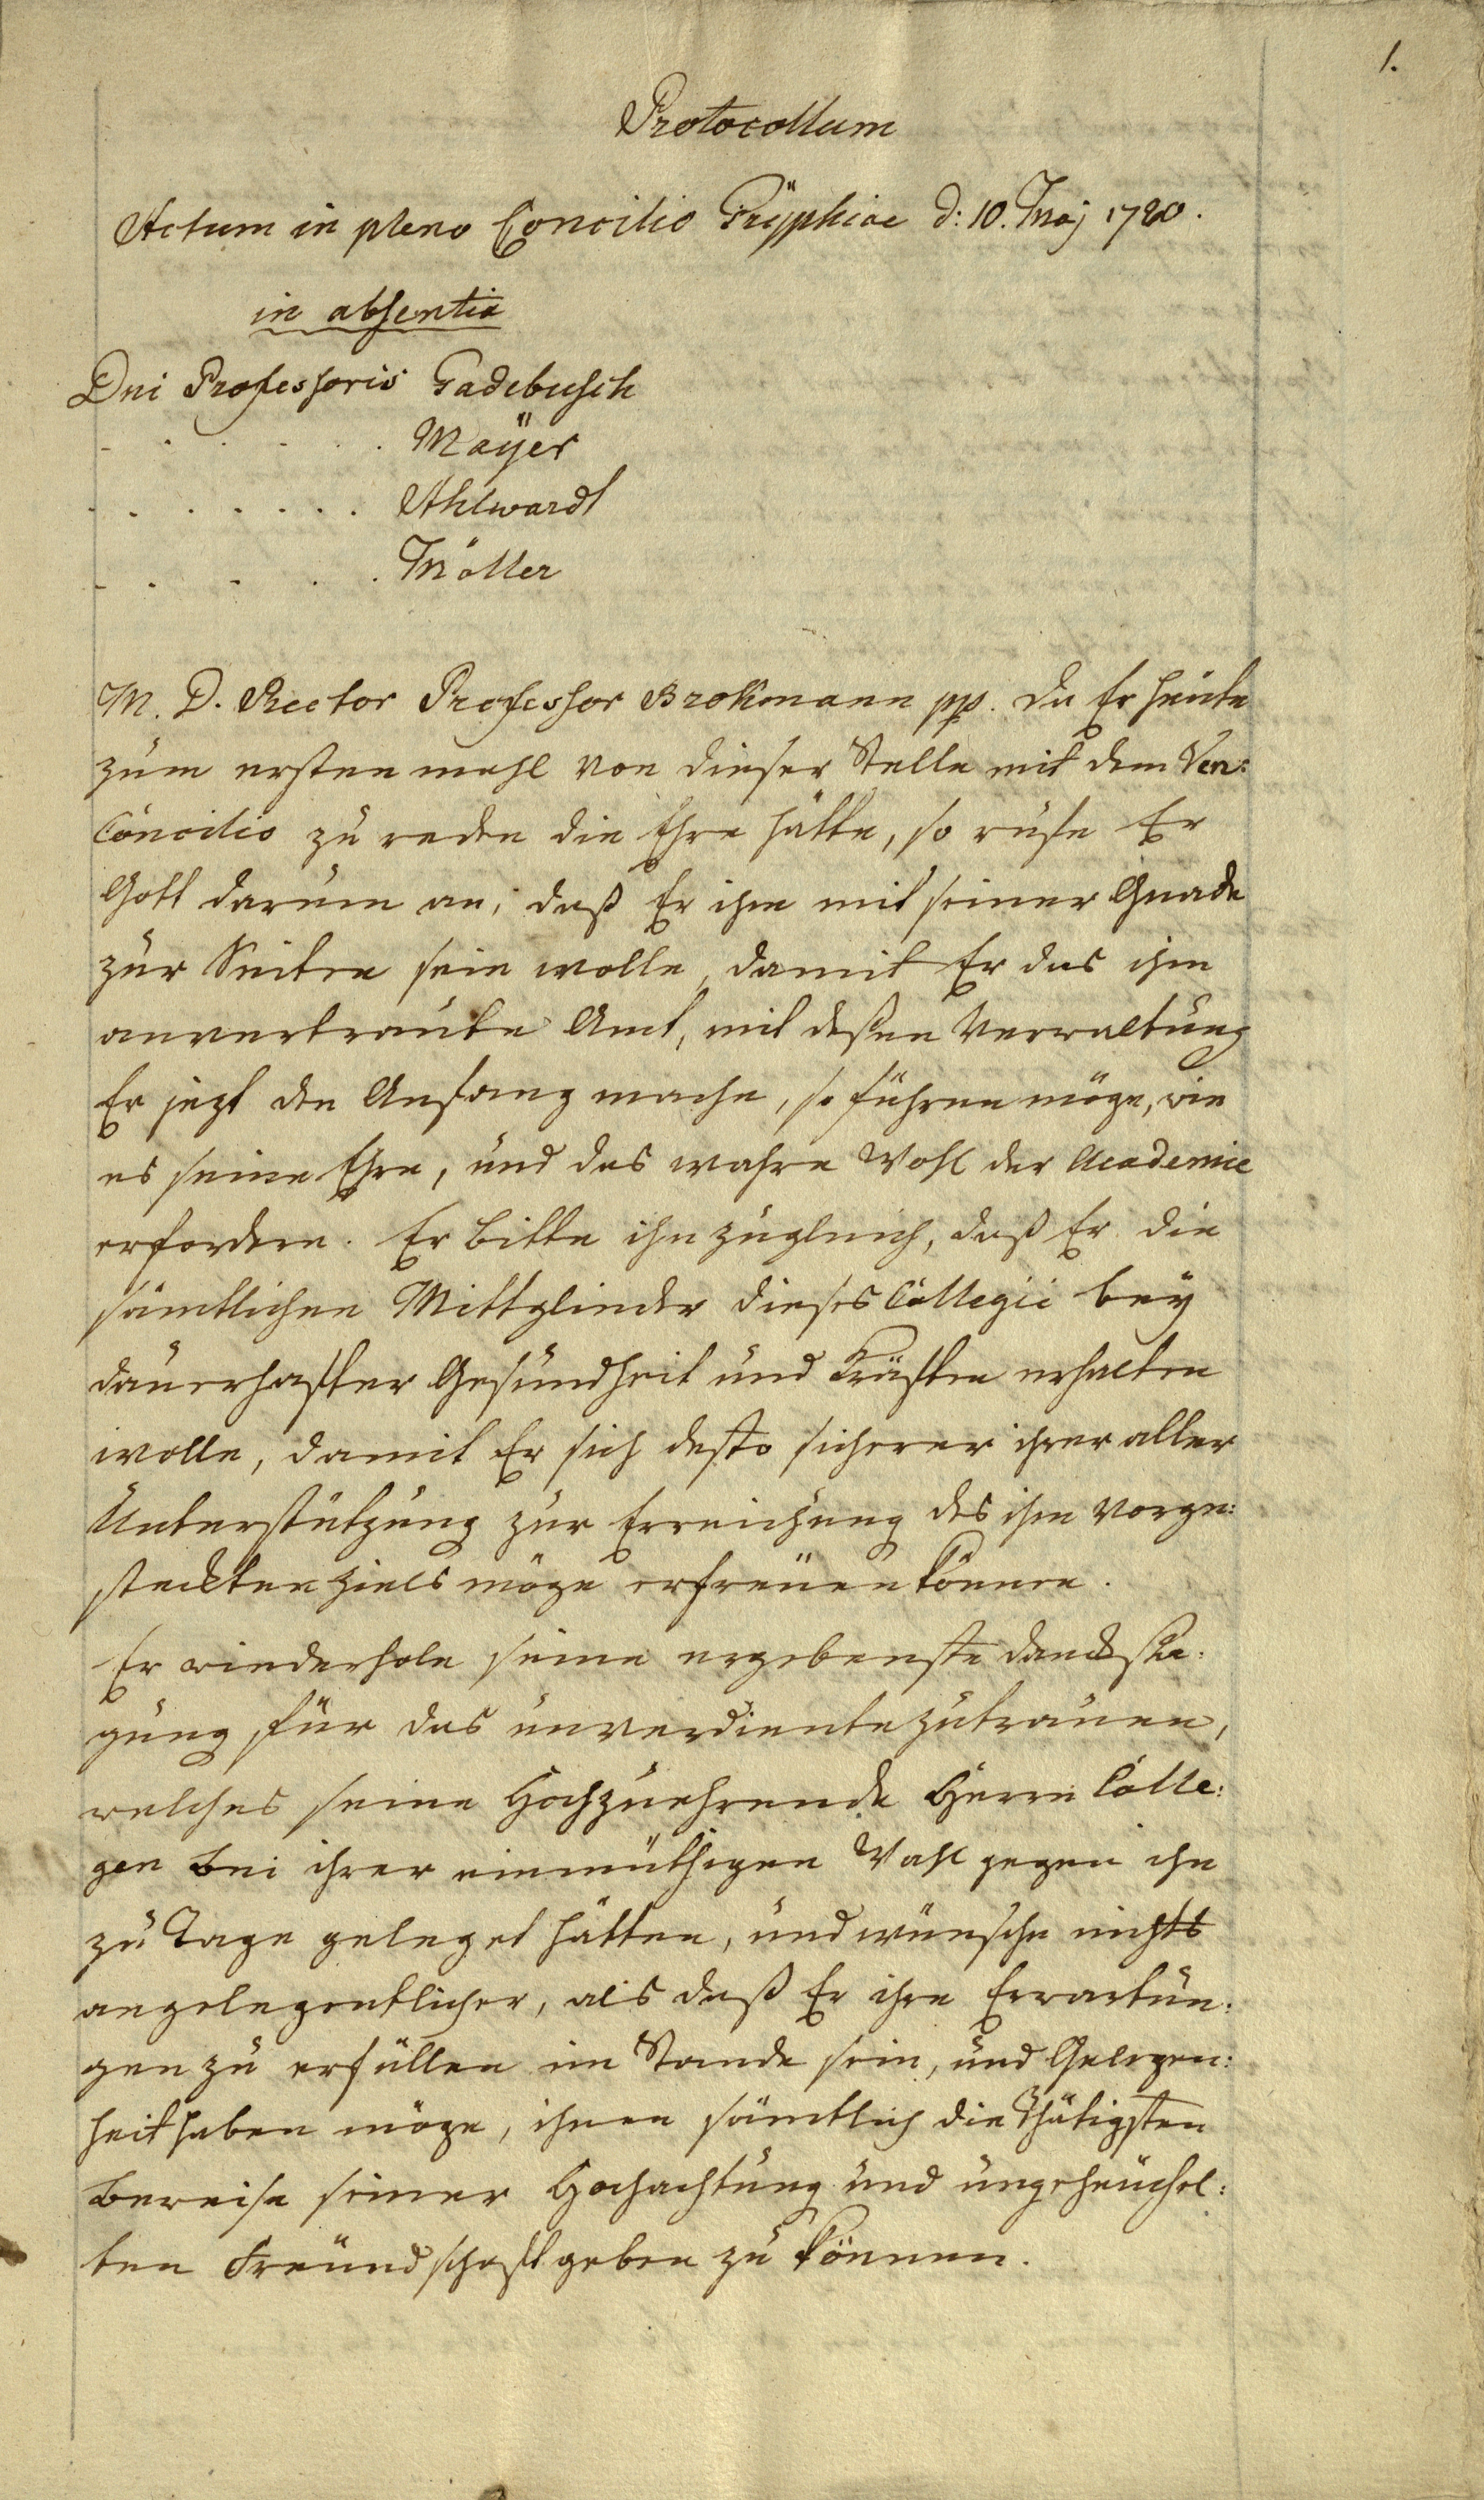Protocollum
Actum in pleno Concilio Grÿphiae d: 10. Maj 1780.
in absentia
Dni Professoris Gadebusch
Maÿer
Ahlwardt
Möller
M. D. Rector Professor Brockmann pp. da Er heute
zum ersten mahl von dieser Stelle mit dem Ven.
Concilio zu reden die Ehre hätte, so rufe Er
Gott darum an, daß Er ihm mit seiner Gnade
zur Seiten sein wolle, damit Er das ihm
anvertraute Amt, mit deßen Verwaltung
Er jezt den Anfang mache, so führen möge, wie
es seine Ehre, und das wahre Wohl der Academie
erfordere. Er bitte ihn zugleich, daß Er die
sämtlichen Mittglieder dieses Collegii beÿ
dauerhafter Gesundheit und Kräften erhalten
wolle, damit Er sich desto sicherer ihrer aller
Unterstützung zur Erreichung des ihm vorge¬
steckten Ziels möge erfreuen können.
Er wiederhole seine ergebenste Dancksa¬
gung für das unverdientezutrauen,
welches seine Hochzuehrende Herrn Colle¬
gen bei ihrer einmüthigen Wahl gegen ihn
zu Tage geleget hätten, und wünsche nichts
angelegentlicher, als daß Er ihre Erwartun¬
gen zu erfüllen im Stande sein, und Gelegen¬
heit haben möge, ihnen sämtlich die Thätigsten
Beweise seiner Hochachtung und ungeheuchel¬
ten Freundschaft geben zu können.